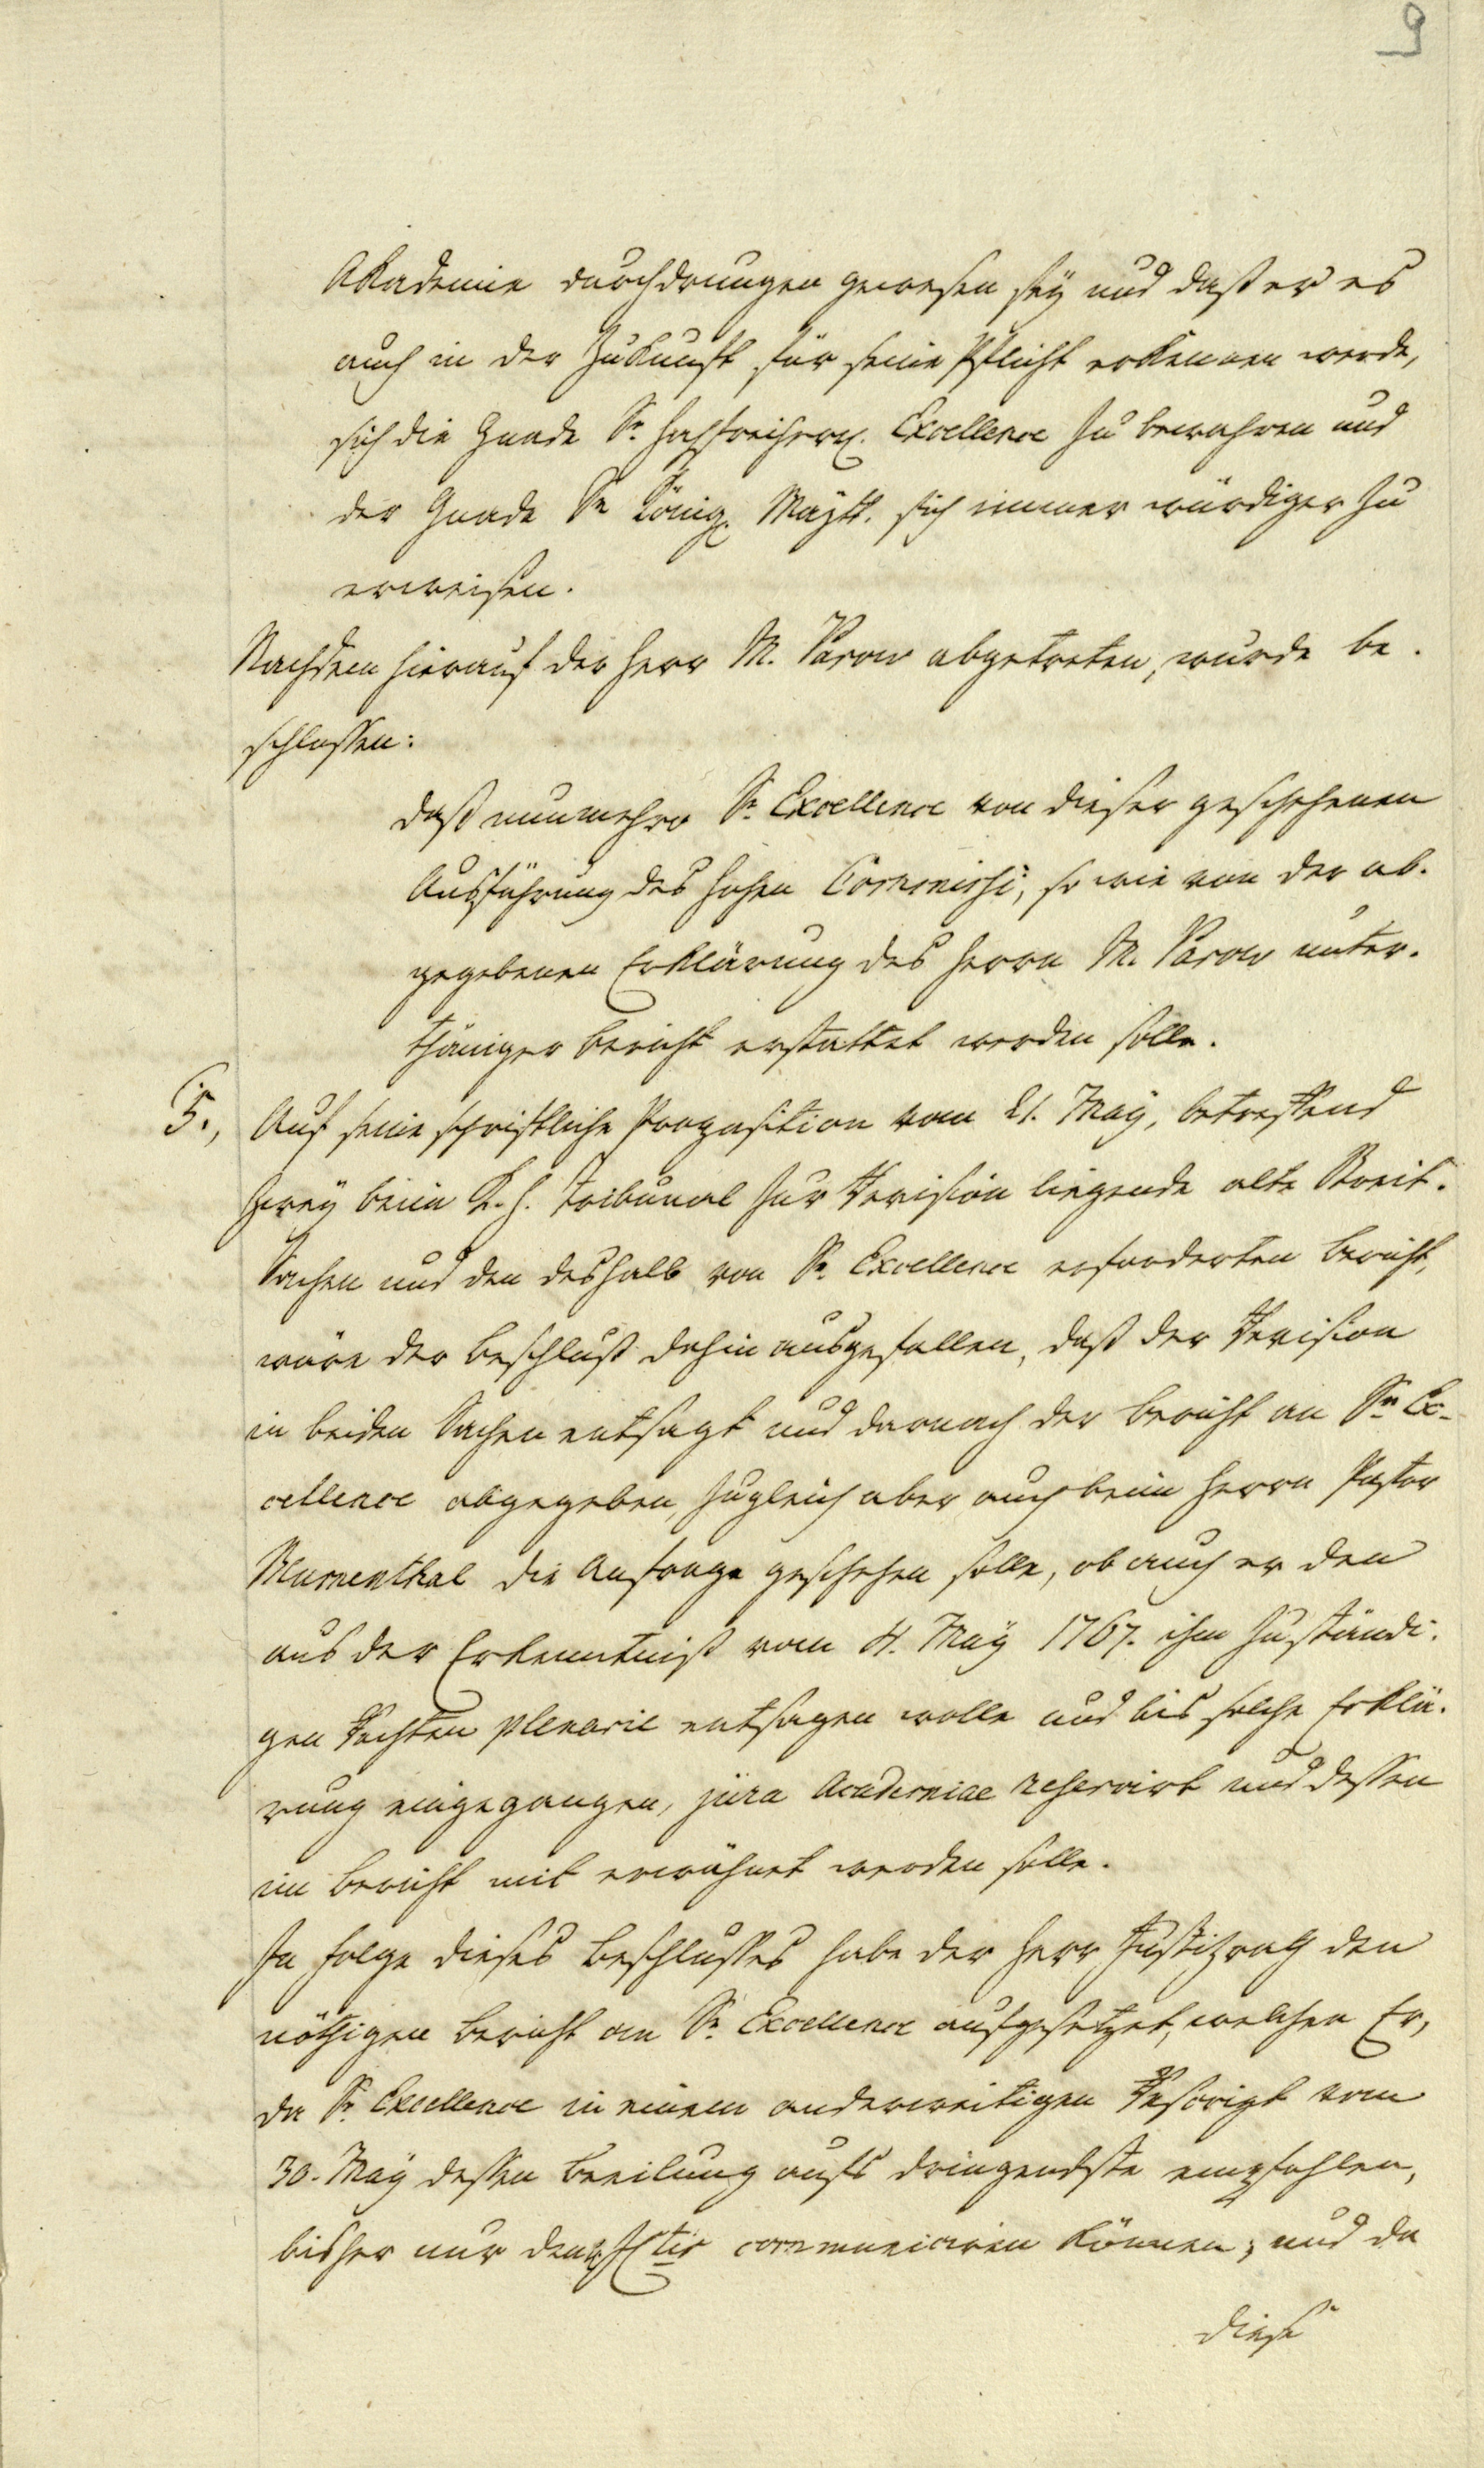Akademie durchdrungen gewesen seÿ und daß er es
auch in der Zukunft für seine Pflicht erkennen werde,
sich die Gnade Sr. Hochfreiherrl. Excellence zu bewahren und
der Gnade Sr. Königl. Maÿtt. sich immer würdiger zu
erweisen.
Nachdem hierauf der herr M. Parow abgetreten, wurde be¬
schlossen:
daß nunmehro Sr. Excellence von dieser geschehenen
Ausführung das hohe Commissi, so wie von der ab¬
gegebenen Erklärung des herrn M. Parow unter¬
thäniger Bericht erstattet werden solle.
5., Auf seine schriftliche Proposition vom 21. Maÿ, betreffend
zweÿ beim K. h. Tribunal zur Revision liegende alte Streit¬
Sachen und den deshalb von Sr. Excellence erforderten Bericht,
wäre der Beschluß dahin ausgefallen, daß der Revision
in beiden Sachen entsagt und darnach der Bericht an Sr. Ex¬
cellence abgegeben, zugleich aber auch beim herrn Pastor
Blumenthal die Anfrage geschehen solle, ob auch er den
aus der Erkenntniß vom 4. Maÿ 1767. ihm zuständi¬
gen Rechten plenarie entsagen wolle und bis solche Erklä¬
rung eingegangen, jura Academiae reservirt und dessen
im Bericht mit erwähnet werden solle.
In Folge dieses Beschlusses habe der Herr Justizrath den
nöthigen Bericht an Sr. Excellence aufgesetzet, welchen Er
da Sr. Excellence in einem anderweitigen Rescript vom
30. Maÿ dessen Beeilung aufs dringendste empfehlen,
bisher nur den h Il tis communiciren können, und da
diese